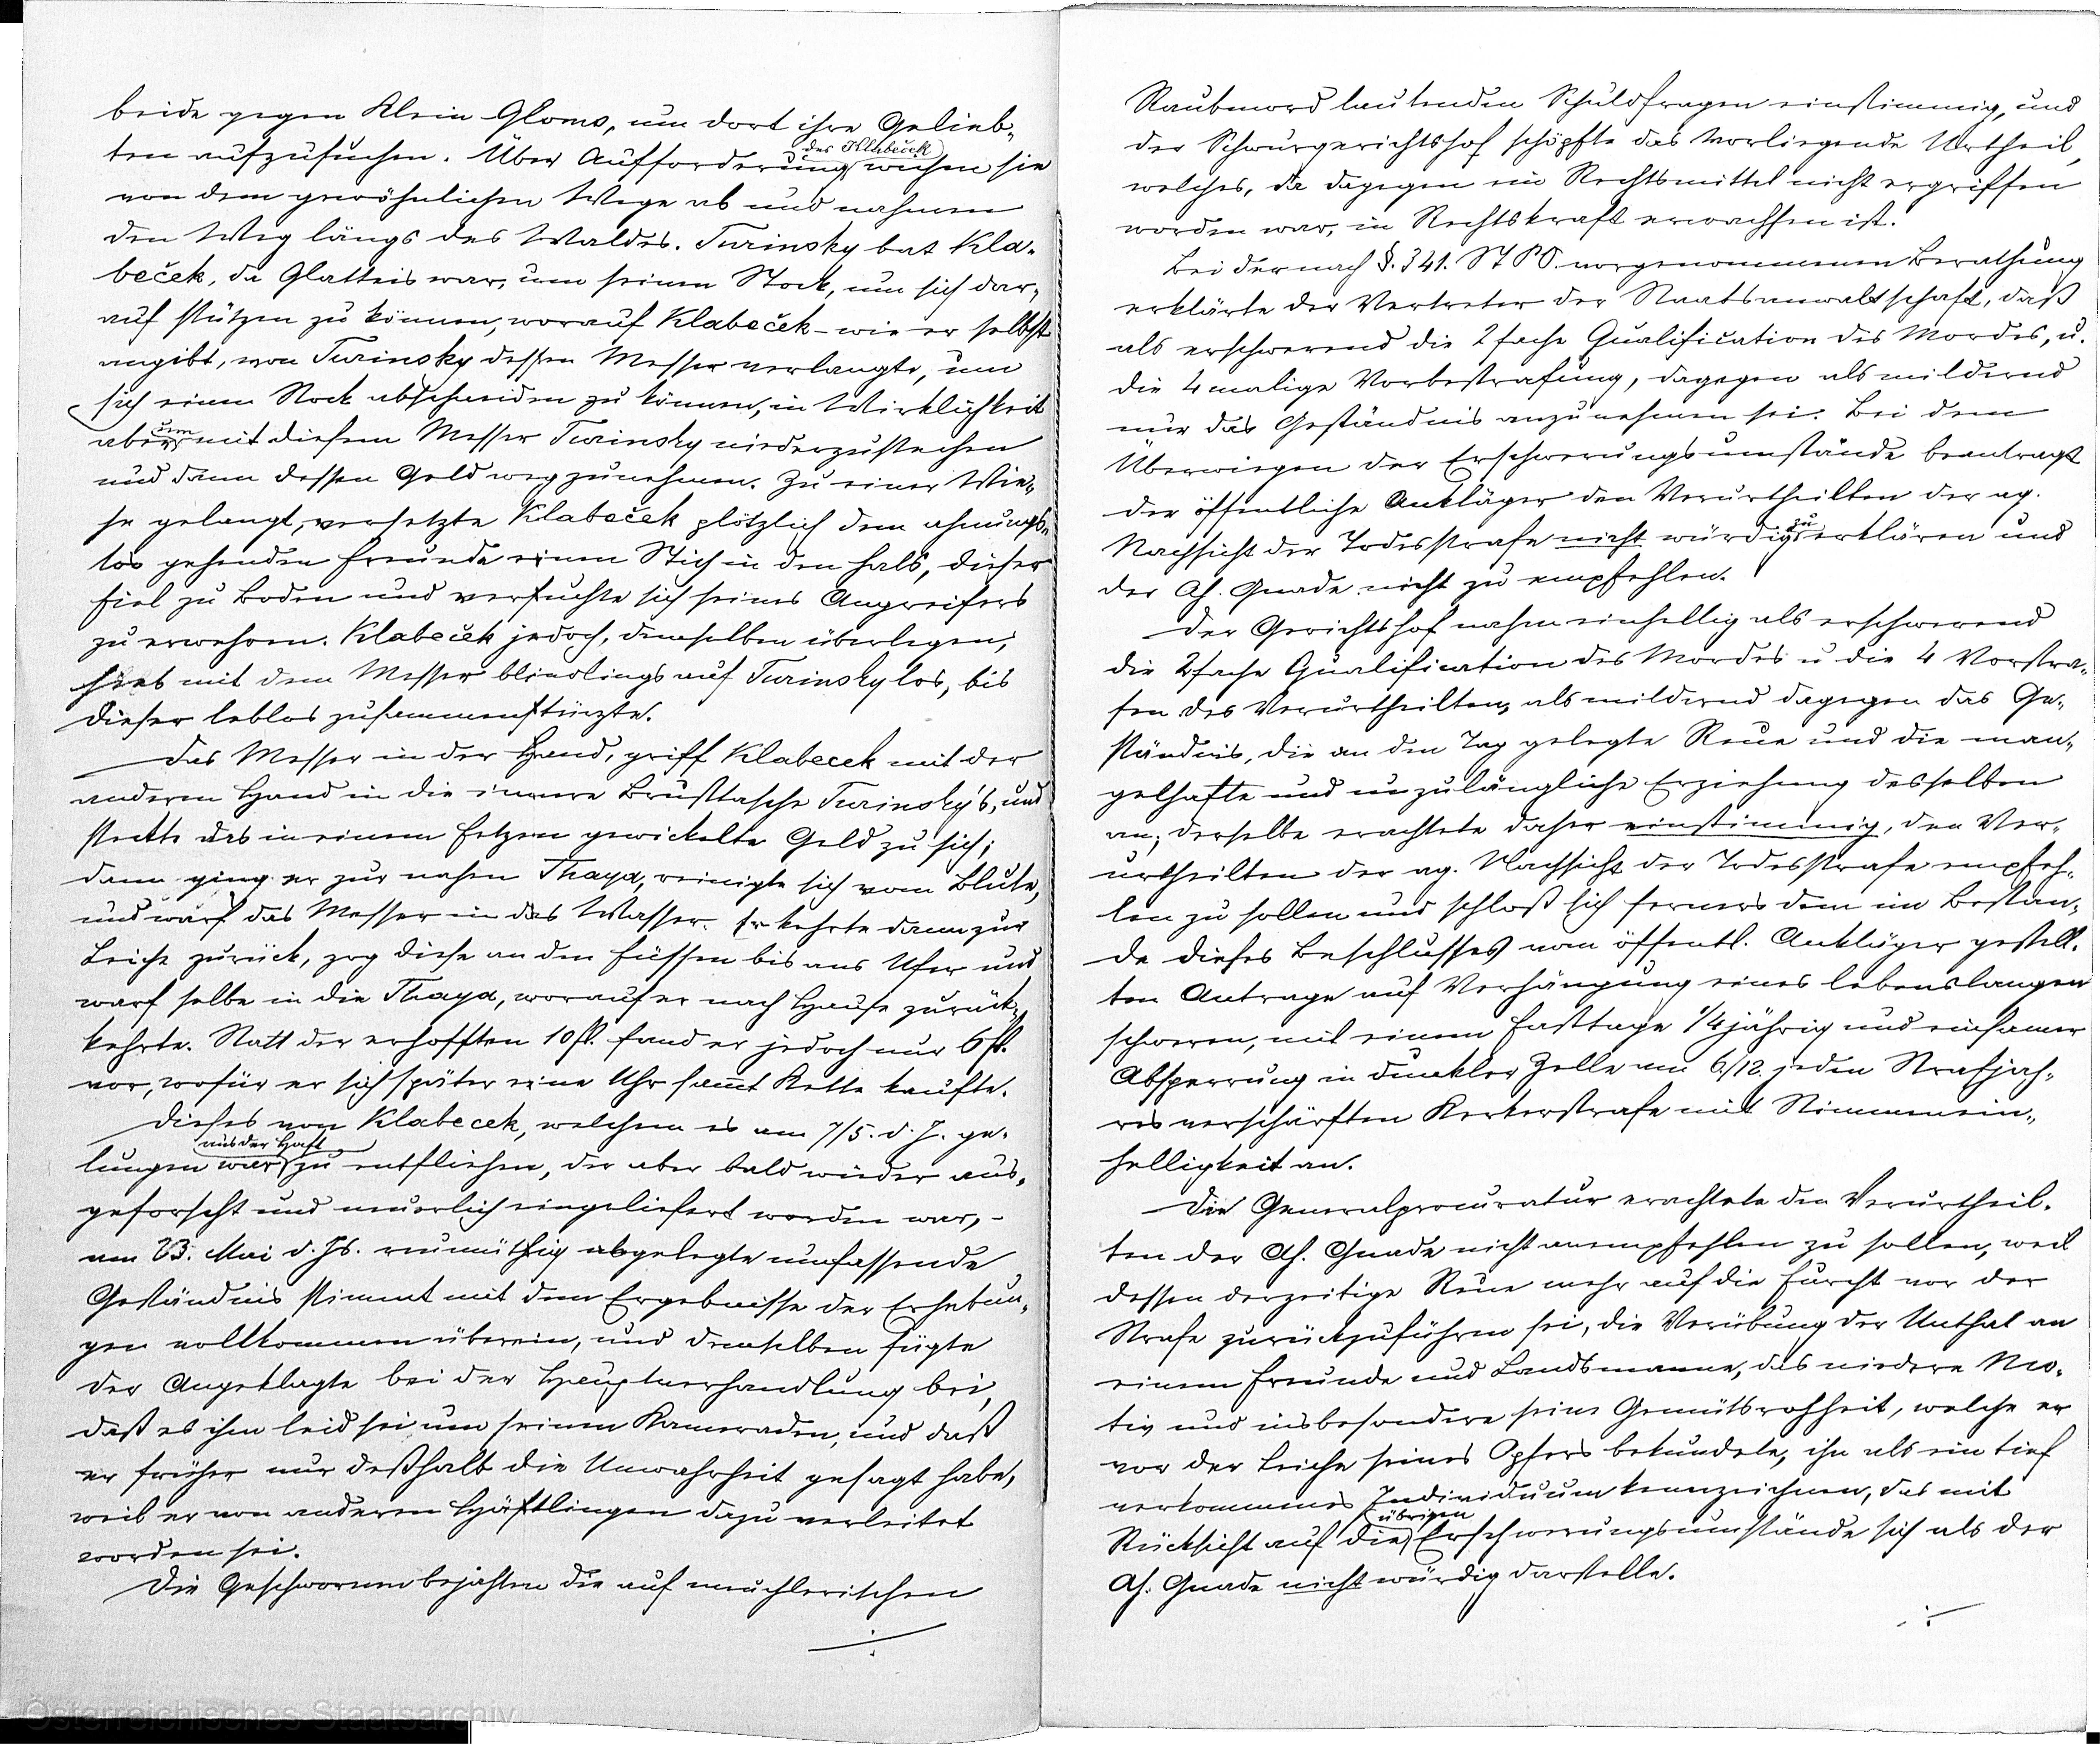beide gegen Klein Gloms, um dort ihre Gelieb¬
des Klabeček
ten aufzusuchen. Über Aufforderung, wichen sie
von dem gewöhnlichen Wege ab und nahmen
den Weg längs des Waldes. Turinsky bat Kla¬
beček, da Glatteis war, um seinen Stock, um sich dar¬
auf Stützen zu können, worauf Klabeček – wie er selbst
angibt, von Turinsky dessen Messer verlangt, um
sich einen Stock abschneiden zu können, in Wirklichkeit
um
aber mit diesem Messer Turinsky niederzustechen
und dann dessen Geld wegzunehmen. Zu einer Wie¬
se gelangt, versetzte Klabeček plötzlich dem ahnungs¬
los gehenden Freunde einen Stich in den Hals, dieser
fiel zu Boden und versuchte sich seines Angreifers
zu erwehren. Klabeček jedoch, demselben überlegen,
hieb mit dem Messer blindlings auf Turinsky los, bis
dieser leblos zusammen stürzte.
Das Messer in der Hand, griff Klabeček mit der
anderen Hand in die innere Brusttasche Turinsky’s, und
steckte das in einem Fetzen gewickelte Geld zu sich;
dann ging er zur nahen Thaya, reinigte sich vom Blute,
und warf das Messer in das Wasser. Er kehrte dann zur
Leiche zurück, zog diese an den Füssen bis ans Ufer und
warf selbe in die Thaya, worauf er nach Hause zurück¬
kehrte. Statt der erhofften 10fl. Fand er jedoch nur 6fl.
vor, wofür er sich später eine Uhr sammt Kette kaufte.
Dieses von Klabeček, welchem es am 7/5 d. J. ge¬
aus der Haft
lungen war zu entfliehen, der aber bald wieder aus¬
geforscht und neuerlich eingeliefert worde war,
am 23. Mai d. Js reumüthig abgelegte umfassende
Geständnis stimmt mit dem Ergebnisse der Erhebun¬
gen vollkommen überein, und demselben fügte
der Angeklagte bei der Hauptverhandlung bei,
daß es ihm leid sei um seinem Kameraden, und daß
er früher nur deßhalb die Unwahrheit gesagt habe,
weil er von anderen Häftlingen dazu verleitet
worden sei.
Die Geschwornen bejahten die auf meuchlerischen
Raubmord lautenden Schuldfrage einstimmig, und
der Schwurgerichtshof schöpfte das vorliegende Urtheil,
welches, da dagegen ein Rechtsmittel nicht ergriffen
worden war, in Rechtskraft erwachsen ist.
Bei der nach §341 STPO vorgenommenen Berathung
erklärte der Vertreter er Staatsanwaltschaft, daß
als erschwerend die 2fache Qualification des Mordes, u.
die 4 malige Vorbestrafung, dagegen als mildernd
nur das Geständnis anzunehmen sei. Bei den
Überwiegen der Erschwerungsumstände beantragt
der öffentliche Ankläge den Verurtheilten der ag.
zu
Nachsicht der Todesstrafe nicht würdig erklären und
der Ah. Gnade nicht zu empfehlen.
Der Gerichtshof nahm einhellig als erschwerend
die 2fache Qualification des Mordes u. die 4 Vorstra¬
fen des Verurtheilten, als mildernd dagegen das Ge¬
ständnis, die an den Tag gelegte Reue und die man¬
gelhafte und unzulängliche Erziehung desselben
an; derselbe erachtete daher einstimmig, den Ver¬
urtheilten der ag. Nachsicht der Todesstrafe empfeh¬
len zu sollen und schloß sich ferners dem im Bestän¬
de dieses Beschlusses vom öffentl. Ankläger gestell¬
ten Antrage auf Verhängung eines lebenslangen
shcweren, mit einem Fasttage ¼ jährig und einsamer
Absperrung in dunkler Zelle am 6/12 jeden Strafjah¬
res verschärften Kerkerstrafe mit Stimmenein¬
helligkeit an.
Die Generalprocuratur erachtete den Verurtheil¬
ten der Ah. Gnade nicht anempfehlen zu sollen, weil
dessen derzeitige Reue mehr auf die Furcht vor der
Strafe zurückzuführen sei, die Verübung der Unthat an
einem Freunde und Landsmanne, das niedere Mo¬
tiv und insbesondere seine Gemütsrohheit, welche er
vor der Leiche seines Opfers bekundete, ihn als ein tief
verkommenes Individuum kennzeichnen, das mit
übrigen
Rücksicht auf die Erschwerungsumstände sich als der
Ah. Gnade nicht würdig darstelle.